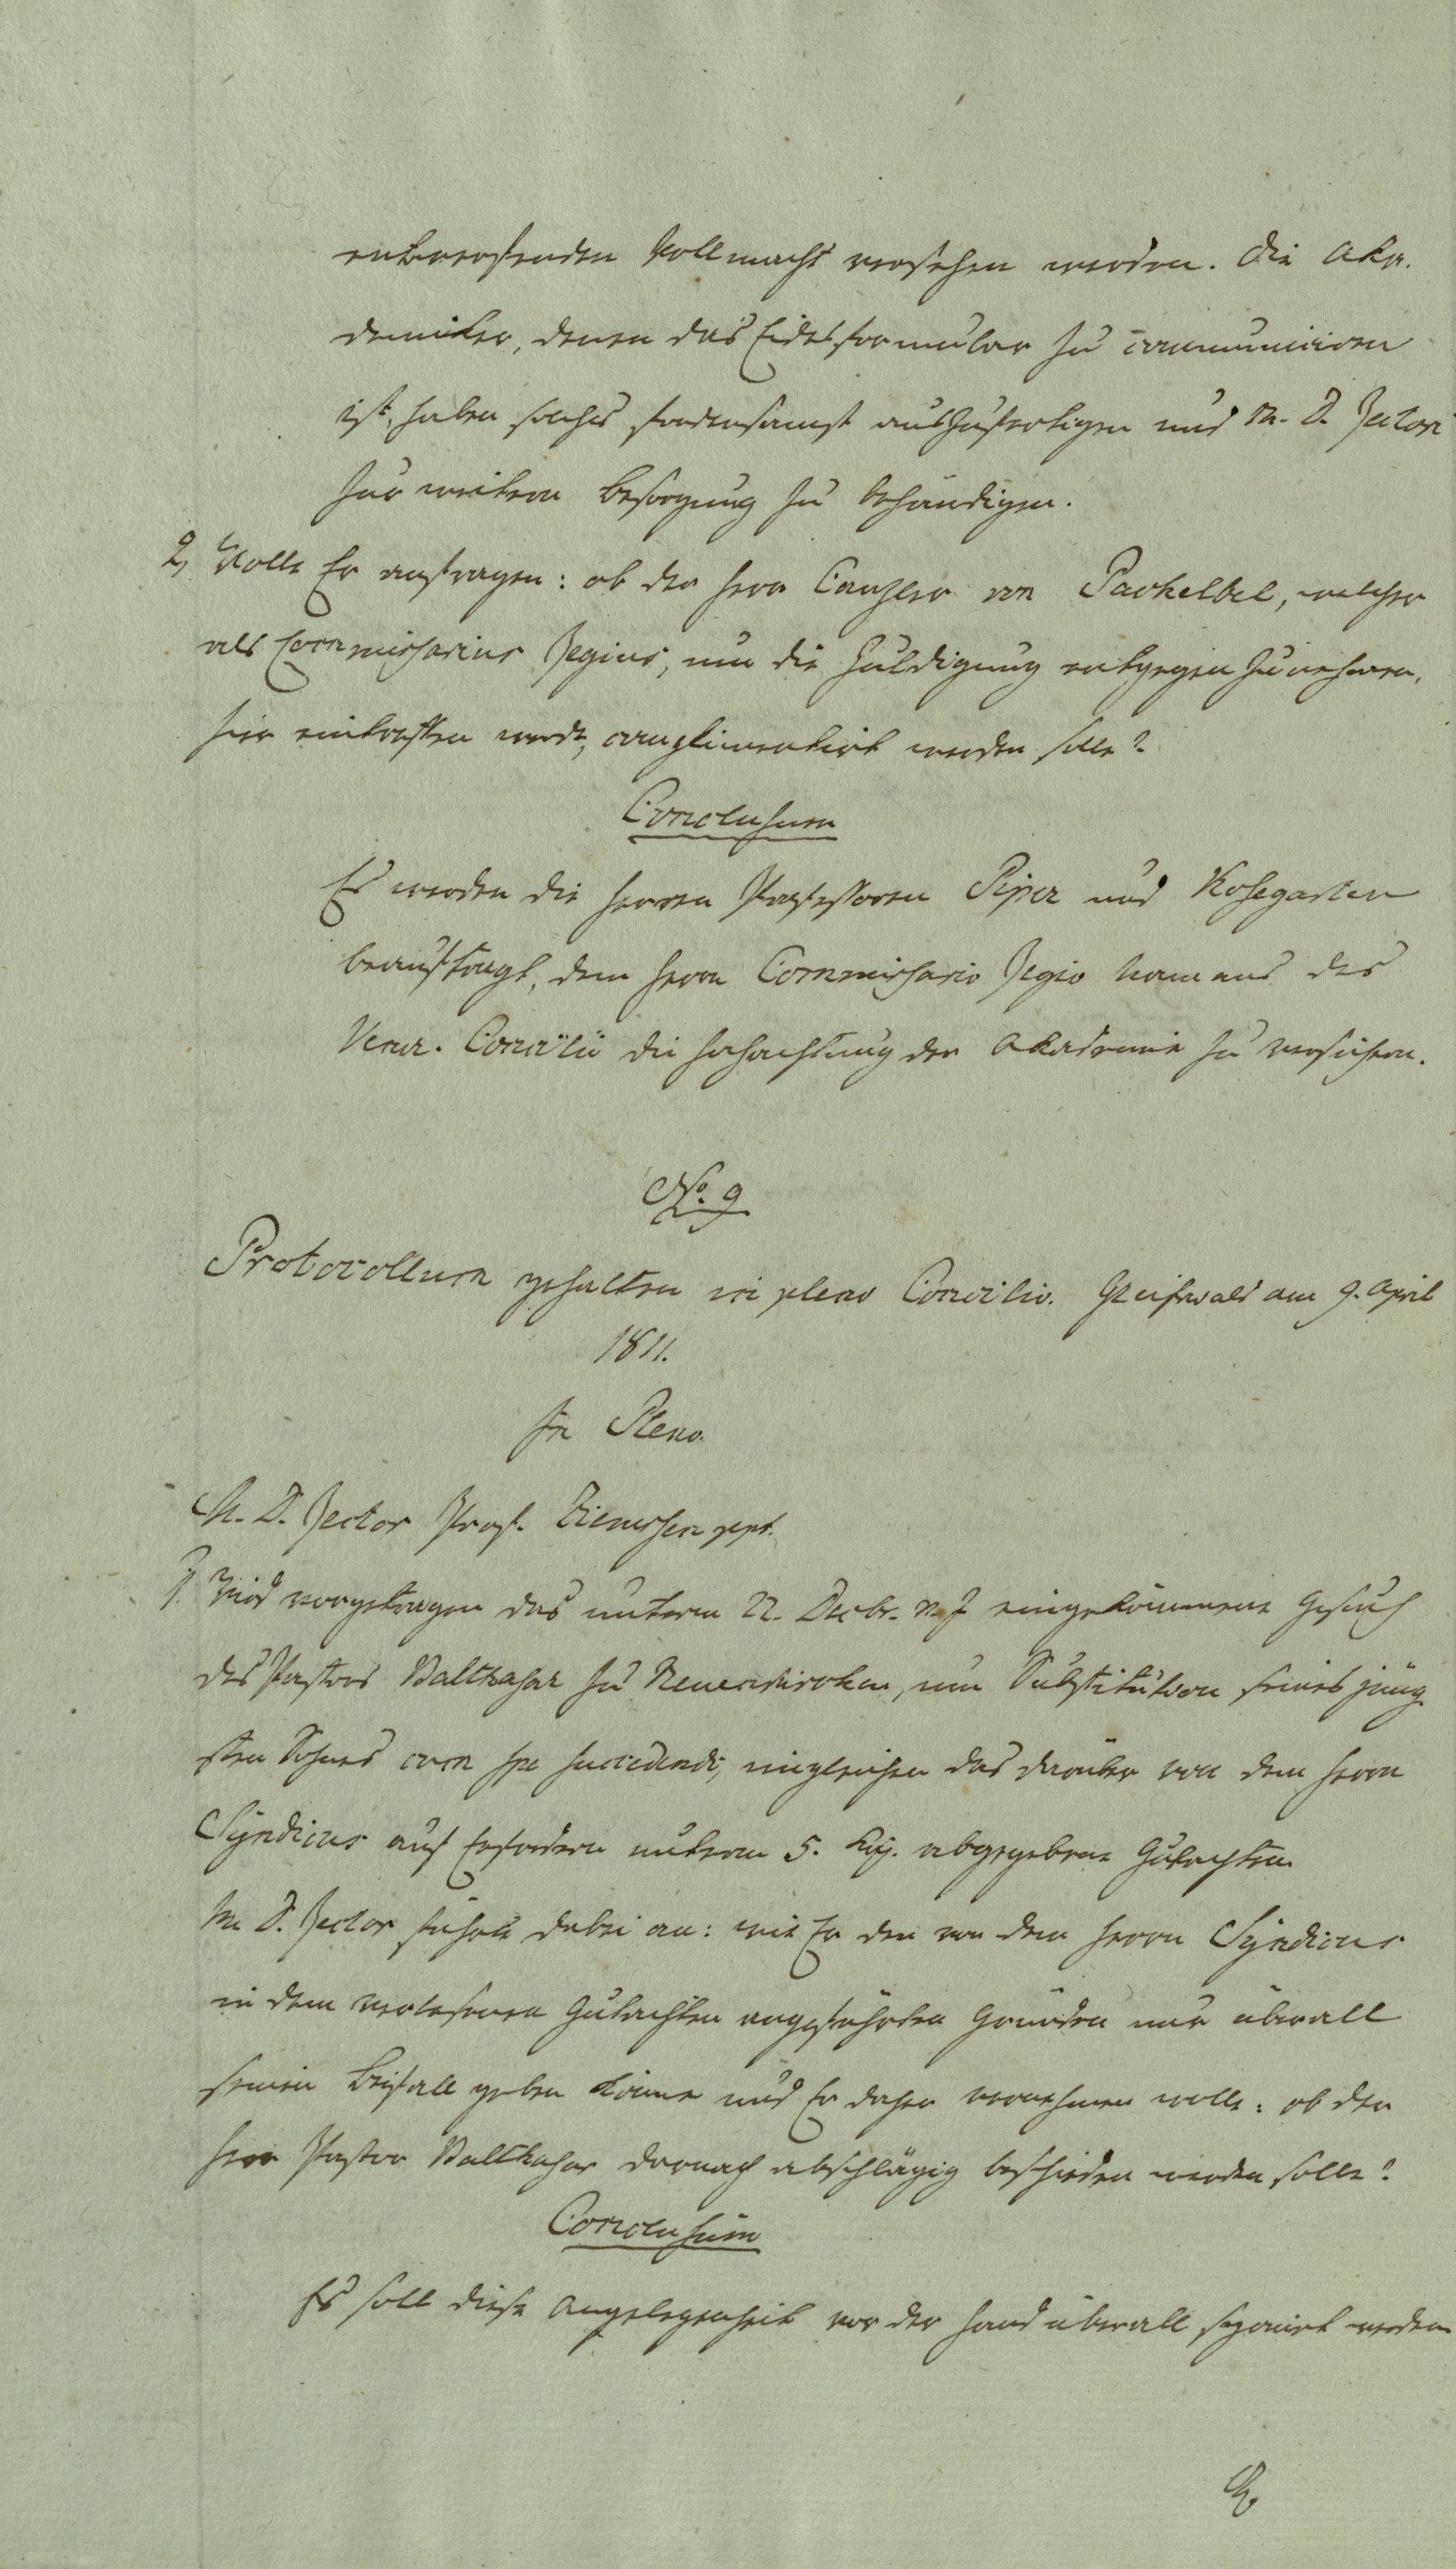entwerfenden Vollmacht versehen werden. Die Aka¬
demiker, denen das Eidesformular zu communiciren
ist, haben solches sondersamst auszufertigen und M. D. Rectori
zur weiteren Besorgung zu behändigen.
2. Wolle Er anfragen: ob der Herr Canzler von Pachelbel, welcher
als Commissarius Regius, um die Huldigung entgegen zu nehmen,
hier eintreffen werde, complimentirt werden solle?
Conclusum
Es werden die Herren Professoren Piper und Kosegarten
beauftragt, dem Herrn Commissario Regio Namens des
Vener. Concilii die Hochachtung der Akademie zu versichern.
Nº 9.
Protocollum gehalten in pleno Concilio. Greifswald am 9. April
1811.
In Pleno
M. D. Rector Prof. Ziemssen ppt.
1. Wird vorgetragen das unterm 22. Decbr. v. J. eingekommene Gesuch
des Pastors Balthasar zu Neuenkirchen, um Substitution seines jüng¬
sten Sohnes cum spe succedendi, imgleichen das darüber von dem Herrn
Sÿndicus auf Erfordern unterm 5. huj. abgegebene Gutachten.
M. D. Rector führte dabei an: wie Er den von dem Herrn Sÿndicus
in dem verlesenen Gutachten angeführten Gründen nur überall
seinen Beifall geben könne und Er daher vernehmen wolle: ob der
Herr Pastor Balthasar darnach abschlägig beschieden werden solle?
Conclusum
Es soll diese Angelegenheit vor der Hand überall seponirt werden.
dh.